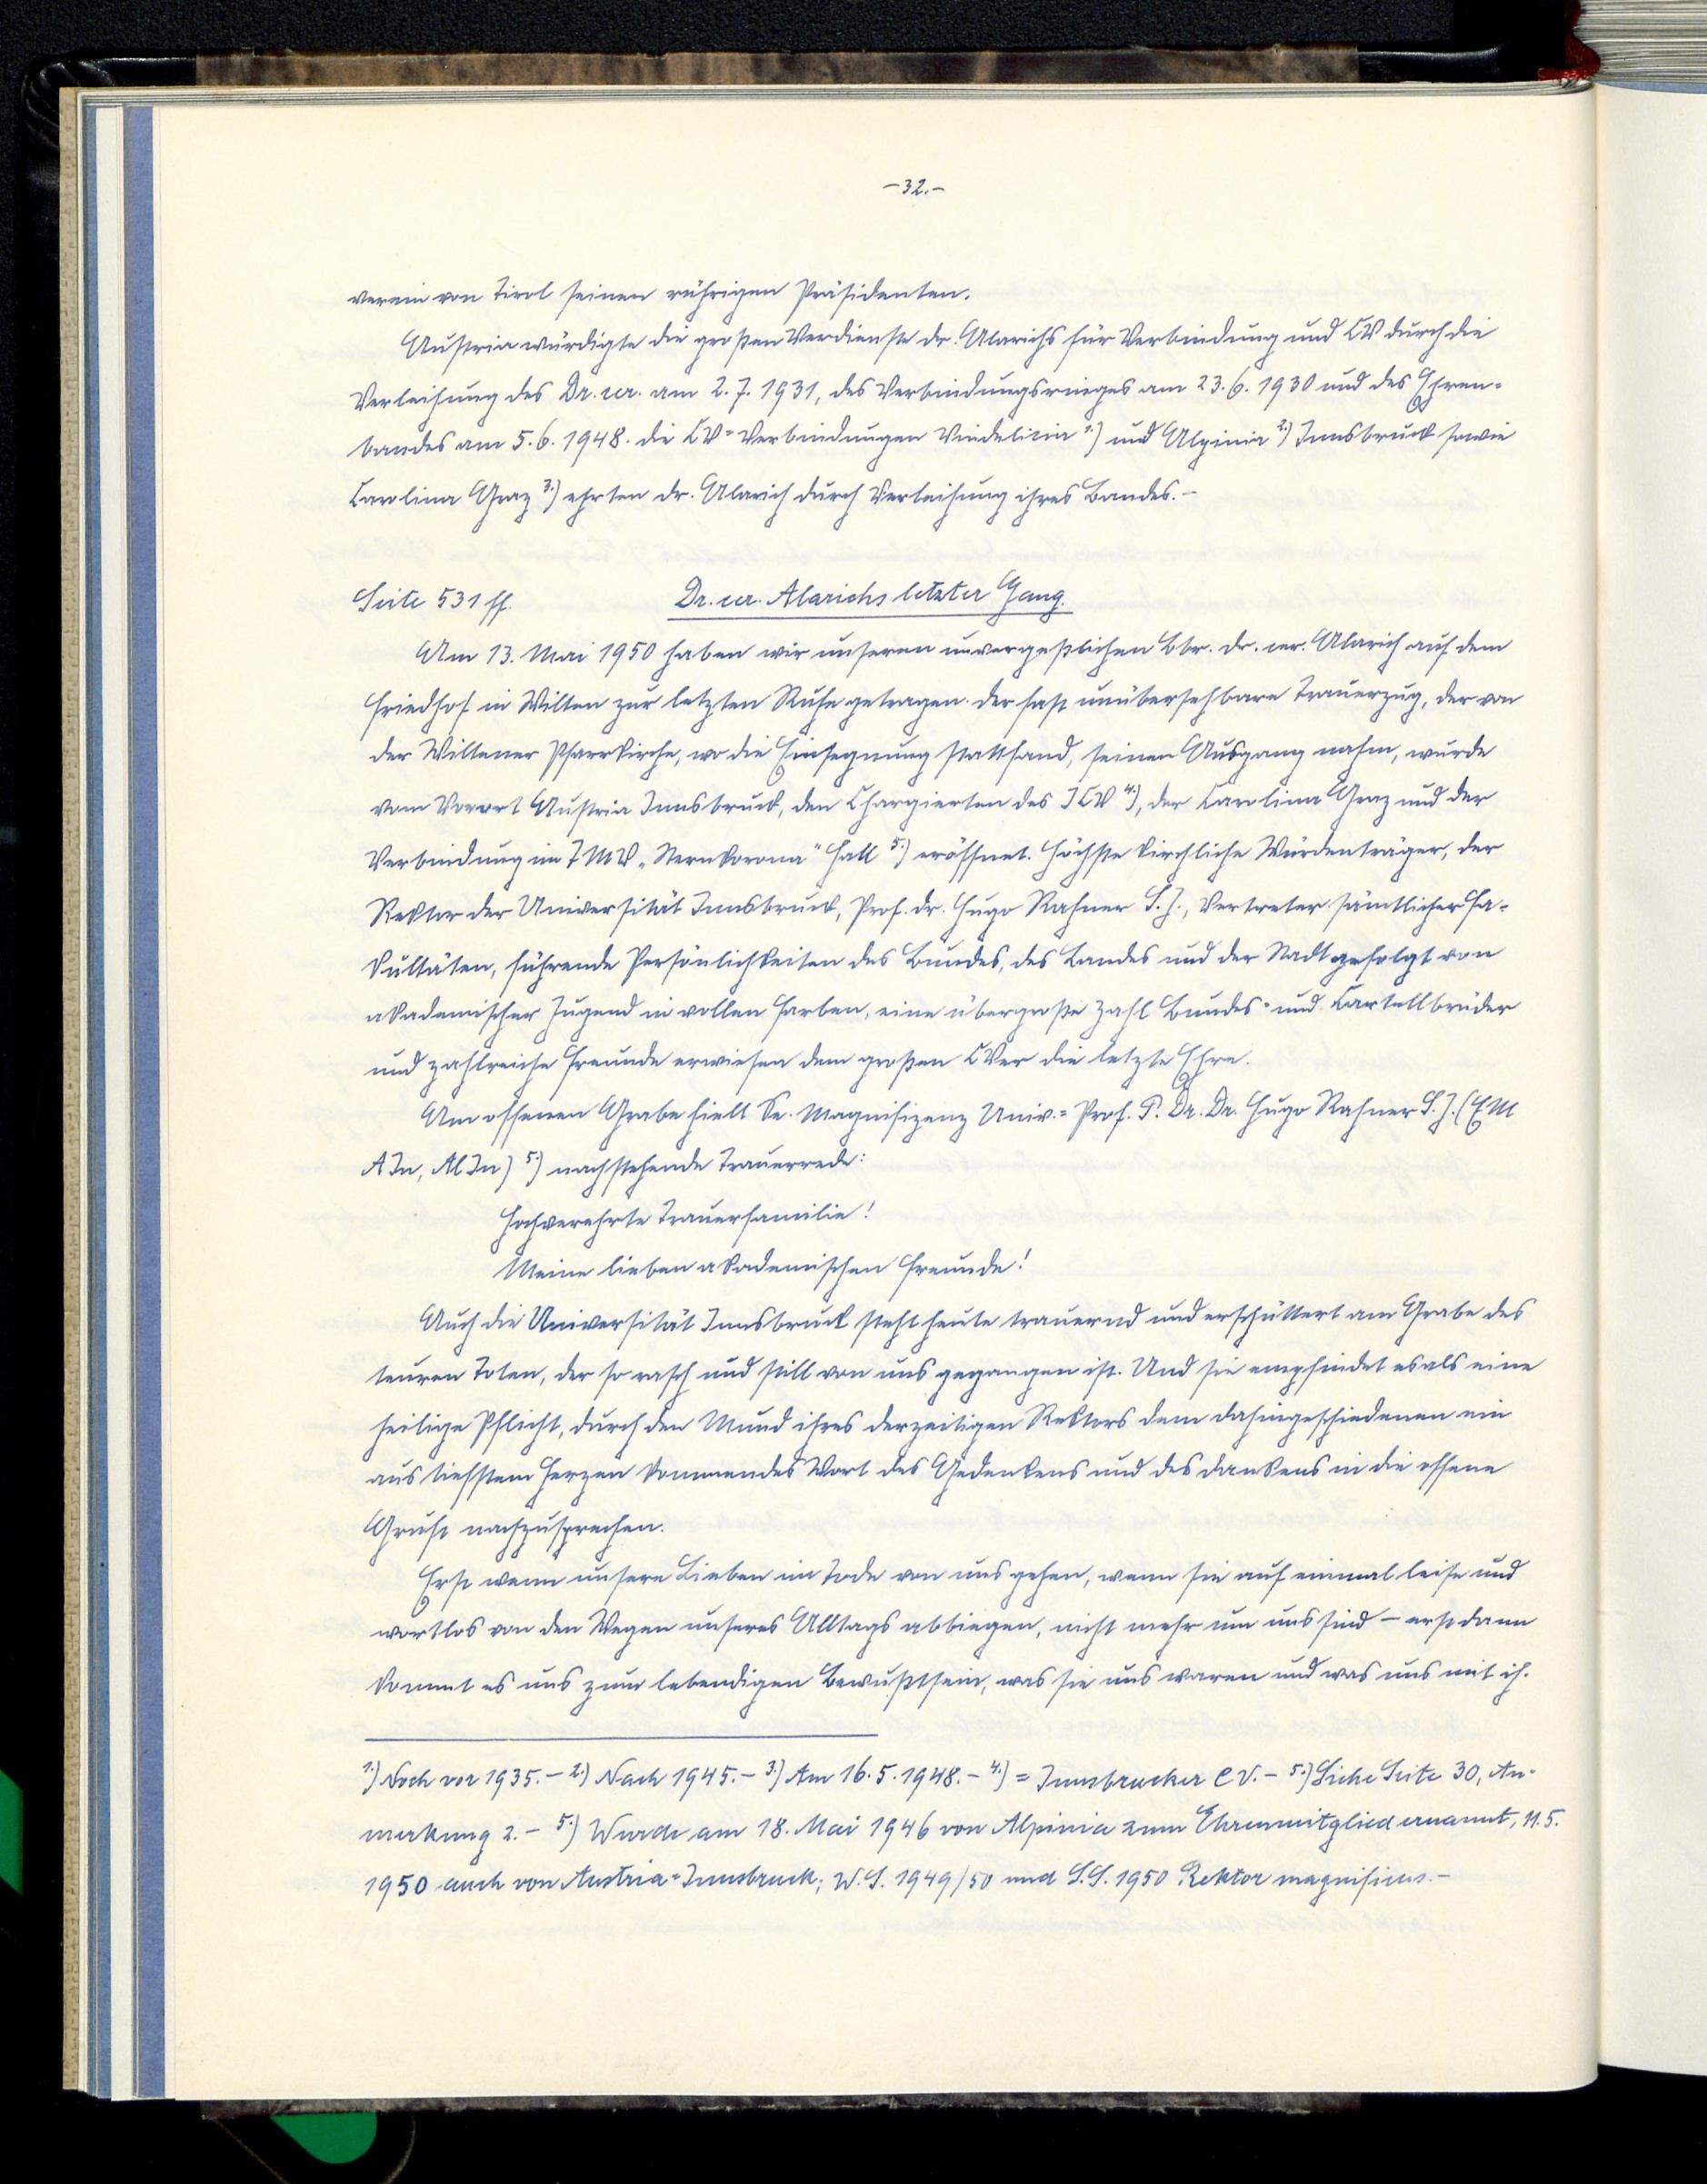32
verein von Tirol seinen rührigen Präsidenten.
Austria würdigte die große Verdienste Dr. Alarichs für Verbindung und CV durch die
Verleihung des Dr. cer. am 2.7.1931, des Verbindungsringes am 23.6.1930 und des Ehren-
bandes am 5.6.1948. die CV-Verbindungen Vindelicia 1) und Alpinia 2) Innsbruck sowie
Carolina Graz 3) ehrten Dr. Alarich durch Verleihung ihres Bandes.
Seite 531 ff.
Dr. cer. Alarichs letzter Gang
Am 13. Mai 1950 haben wir unseren unvergeßlichen Bbr. Alarich auf dem
Friedhof in Wilten zur letzten Ruhe getragen. Der fast übersehbare Trauerzug, der an
der Wiltener Pfarrkirche, wo die Einsegnung stattfand, seinen Ausgang nahm, wurde
vom Vorort Austria Innsbruck, den Chargierten ICV 4)m der Carolina Graz und der
Verbindung im TMV „Sternkorona“ Hall 5) eröffnet. Höchste kirchliche Würdenträger, der
Rektor der Universität Innsbruck, Prof. Dr. Hugo Rahner S.J., Vertreter sämtlicher Fa-
kultäten, führende Persönlichkeiten des Bundes, des Landes und der Stadt gefolgt von
akademischer Jugend in vollen Farben, eine übergroße Zahl Bundes- und Cartellbrüder
und zahlreiche Freunde erwiesen dem großen CVer die letzte Ehre.
Am offenen Grabe hielt Se. Magnifizenz Univ. – Prof. P. Dr. Hugo Rahner S. J. (EM
A In, Al Ib) 5) nachstehende Trauerrede:
Hochverehrte Trauerfamilie!
Meine lieben akademischen Freunde!
Auch die Universität Innsbruck steht heute trauernd und erschüttert am Grabe des
teuren Toten, der so rasch und still von uns gegangen ist. Und sie empfindet es als eine
heilige Pflicht, durch den Mund ihres derzeitigen Rektors dem Dahingeschiedenen ein
aus tiefstem Herzen kommendes Wort des Gedenkens und des Dankens in die offene
Gruft nachzusprechen.
Erst wenn unsere Lieben im Tode von uns gehen, wenn sie auch einmal leise
und wortlos von den Wegen unseres Alltags abbiegen, nicht mehr unter uns sind - erst dann
kommt es uns zum lebendigen Bewußtsein, was sie uns waren und was uns mit ih-
1) Noch noch vor 1935.- 2) Nach 1945.- 3) Am 16.5.1948. – 4) = Innsbrucker CV. – 5) Siehe Seite 30 An-
merkung 2.- 5) wurde am 18. Mai 1946 von Alpinia zum Ehrenmitglied ernannt, 11. 5
1950 auch von Austria-Innsbruck; W.S. 1949/50 und S. S. 1950 Rektor magnificus.-